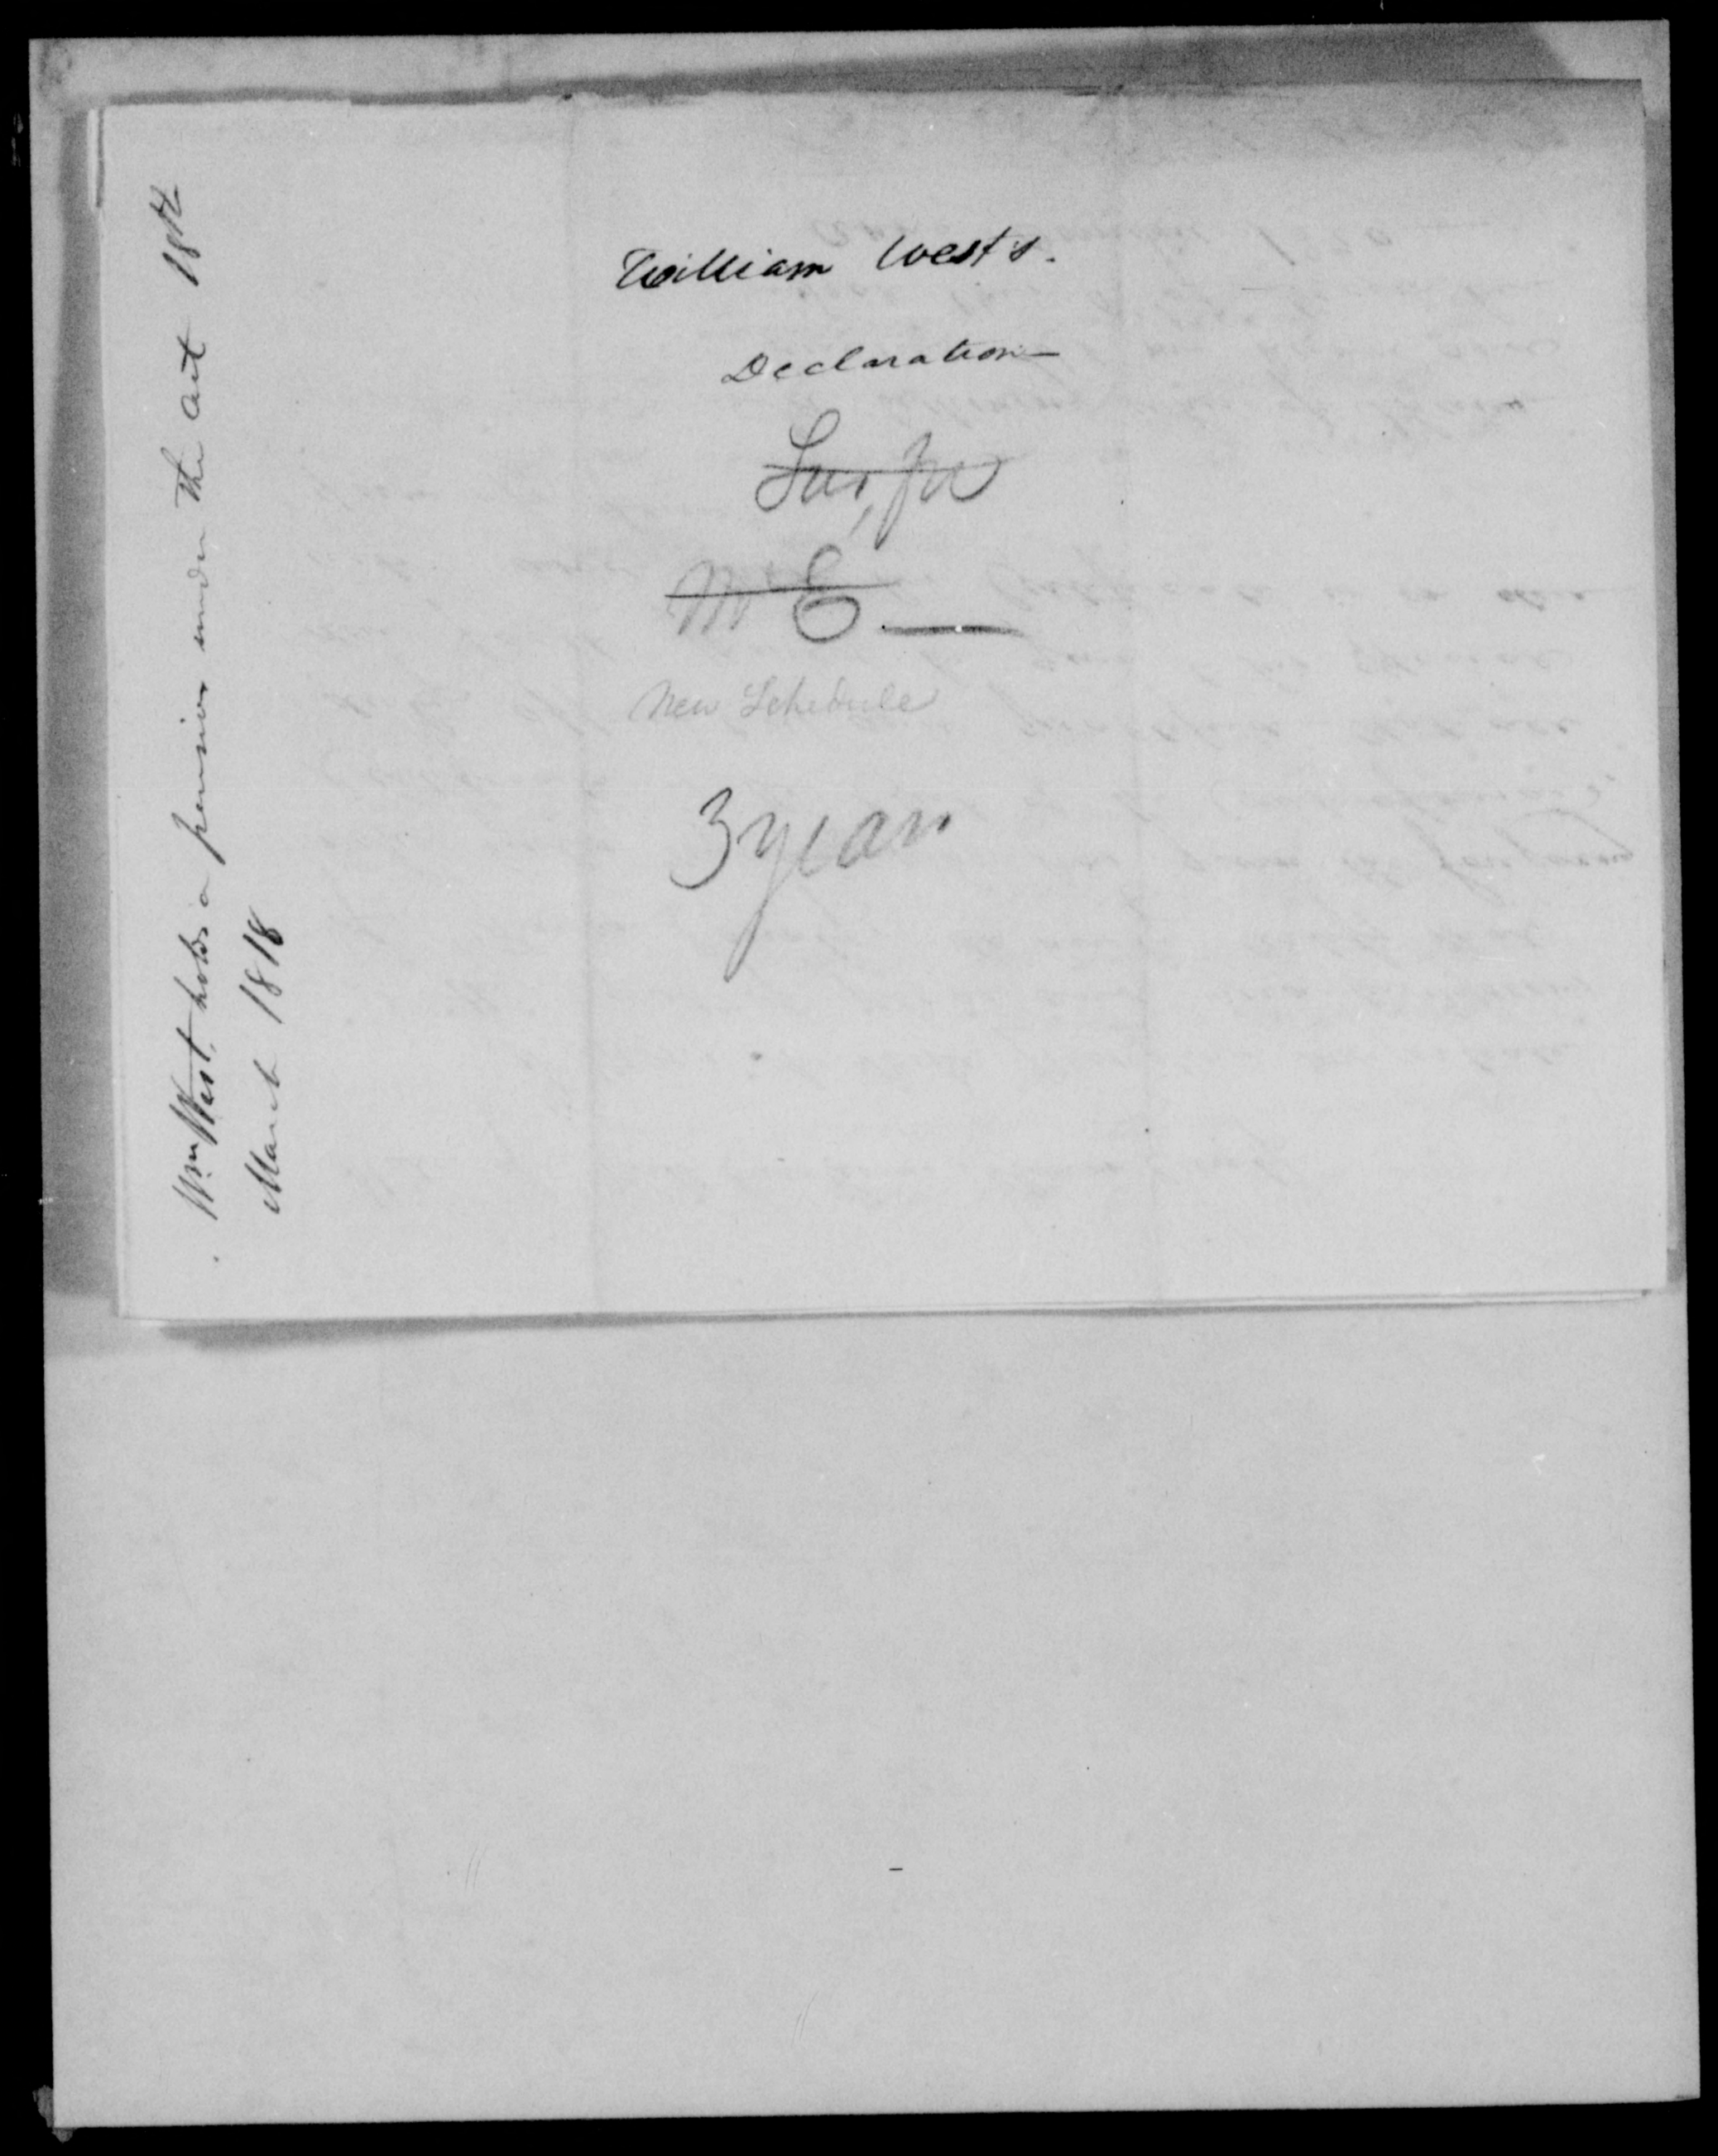[side text] Wm. West holds a pension under the act 18th
March 1818
-
William West's
Declaration
[stricken letters, possible signature]
[stricken letters: ME]
New Schedule
3 years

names: William West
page: 9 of 12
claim: survivor's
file: S. 42060, William West, Md.